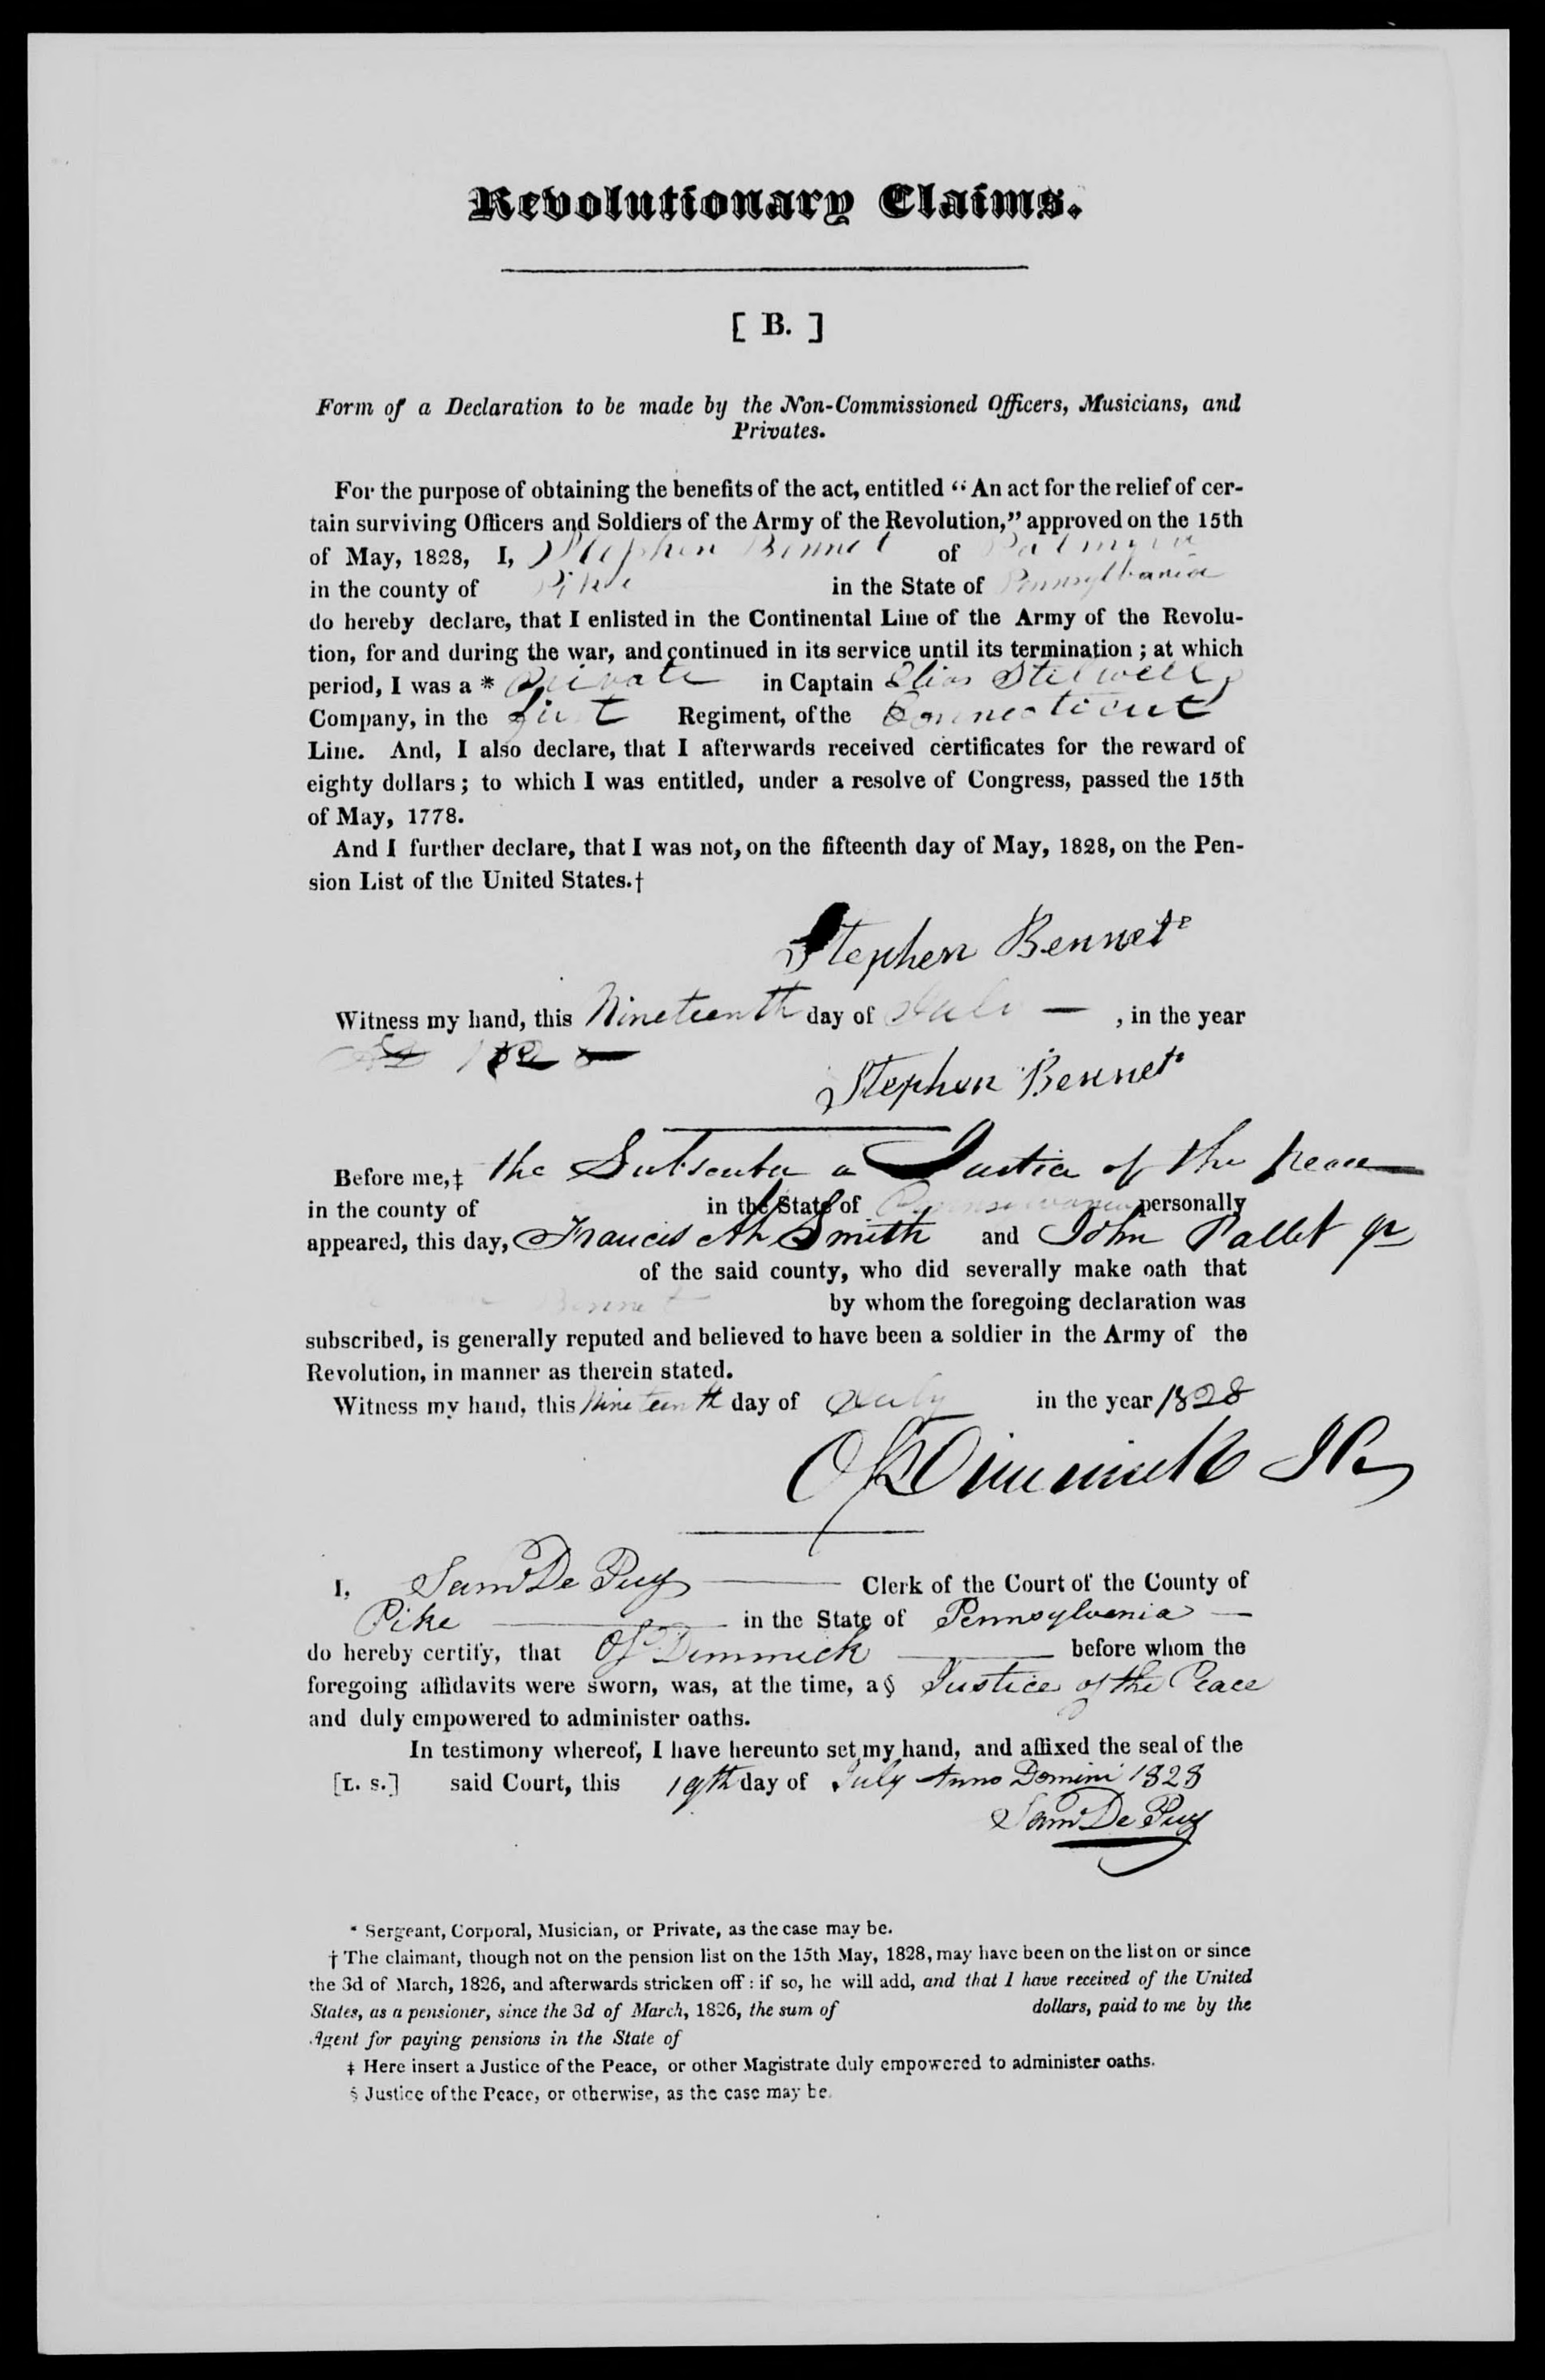Revolutionary Claims. [B.]
Form of a Declaration to be made by the Non-Commissioned Officers, Musicians, and
Privates.
For the purpose of obtaining the benefits of the act, entitled ""An act for the relief of certain
surviving Officers and Soldiers of the Army of the Revolution," approved on the 15th
of May 1828, I, Stephen Bennet of Palmyra
in the county of Pike
in the State of Pennsylvania
do hereby declare, that I enlisted in the Continental Line of the Army of the Revolution
, for and during the war, and continued in its service until its termination at which
period I was a private in Captain Elias Stilwell
Company, in the first Regiment of the Connecticut
Line. And, I also declare, that I afterwards received certificates for the reward of
eighty dollars; to which I was entitled, under a resolve of Congress, passed the 15th
of May 1778.
And I further declare that I was not, on the fifteenth day of May 1828, on the Pension
List of the United States.
Stephen Bennett
Witness my hand, this nineteenth day of July, in the year
Stephen Bennet
Before me the Subscriber a Justice of the peace
in the county of
in the State of personally
appeared, this day, Francis A Smith and John Pallet Jr
of the said county, who did severally make oath that by
whom the foregoing declaration was
subscribed, is generally reputed and believed to have been a soldier in the Army of the
Revolution, in manner as therein stated.
Witness my hand, this nineteenth day of July
in the year 1828
Saml De Pay
Clerk of the Court of the County of
Pike
in the State of Pennsylvania do
hereby certify, that J. Dimmick before
whom the
foregoing affidavits were sworn, was, at the time, a Justice of the Peace
and duly empowered to administer oaths.
In testimony whereof, I have hereunto set my hand, and affixed the seal of the
[L. S.] said Court, this 19th day of July Anno Domini 1828
Saml DePuy
Sergeant Corporal, Musician, or private, as the case may be.
The claimant, though not on the pension list on the 15th May 1828, may have been on the list on or since
the 3d of March 1826, and afterwards stricken off: if so, he will add, and that I have received of the United States
, as a pensioner, since the 3d of March 1826, the sum of
dollars, paid to me by the
Agent for paying pensions in the State of
Here insert a Justice of the Peace, or other Magistrate duly empowered to administer oaths.
Justice of the Peace, or otherwise, as the case may be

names: Stephen Bennet, John Pallet, Francis Ah Smith, Stephen Bennet, Saml De Puy, Stephen Bennet, O S Dimmick, Saml De Puy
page: 43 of 79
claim: widow's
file: W. 2,906, Stephen Bennet, Conn.